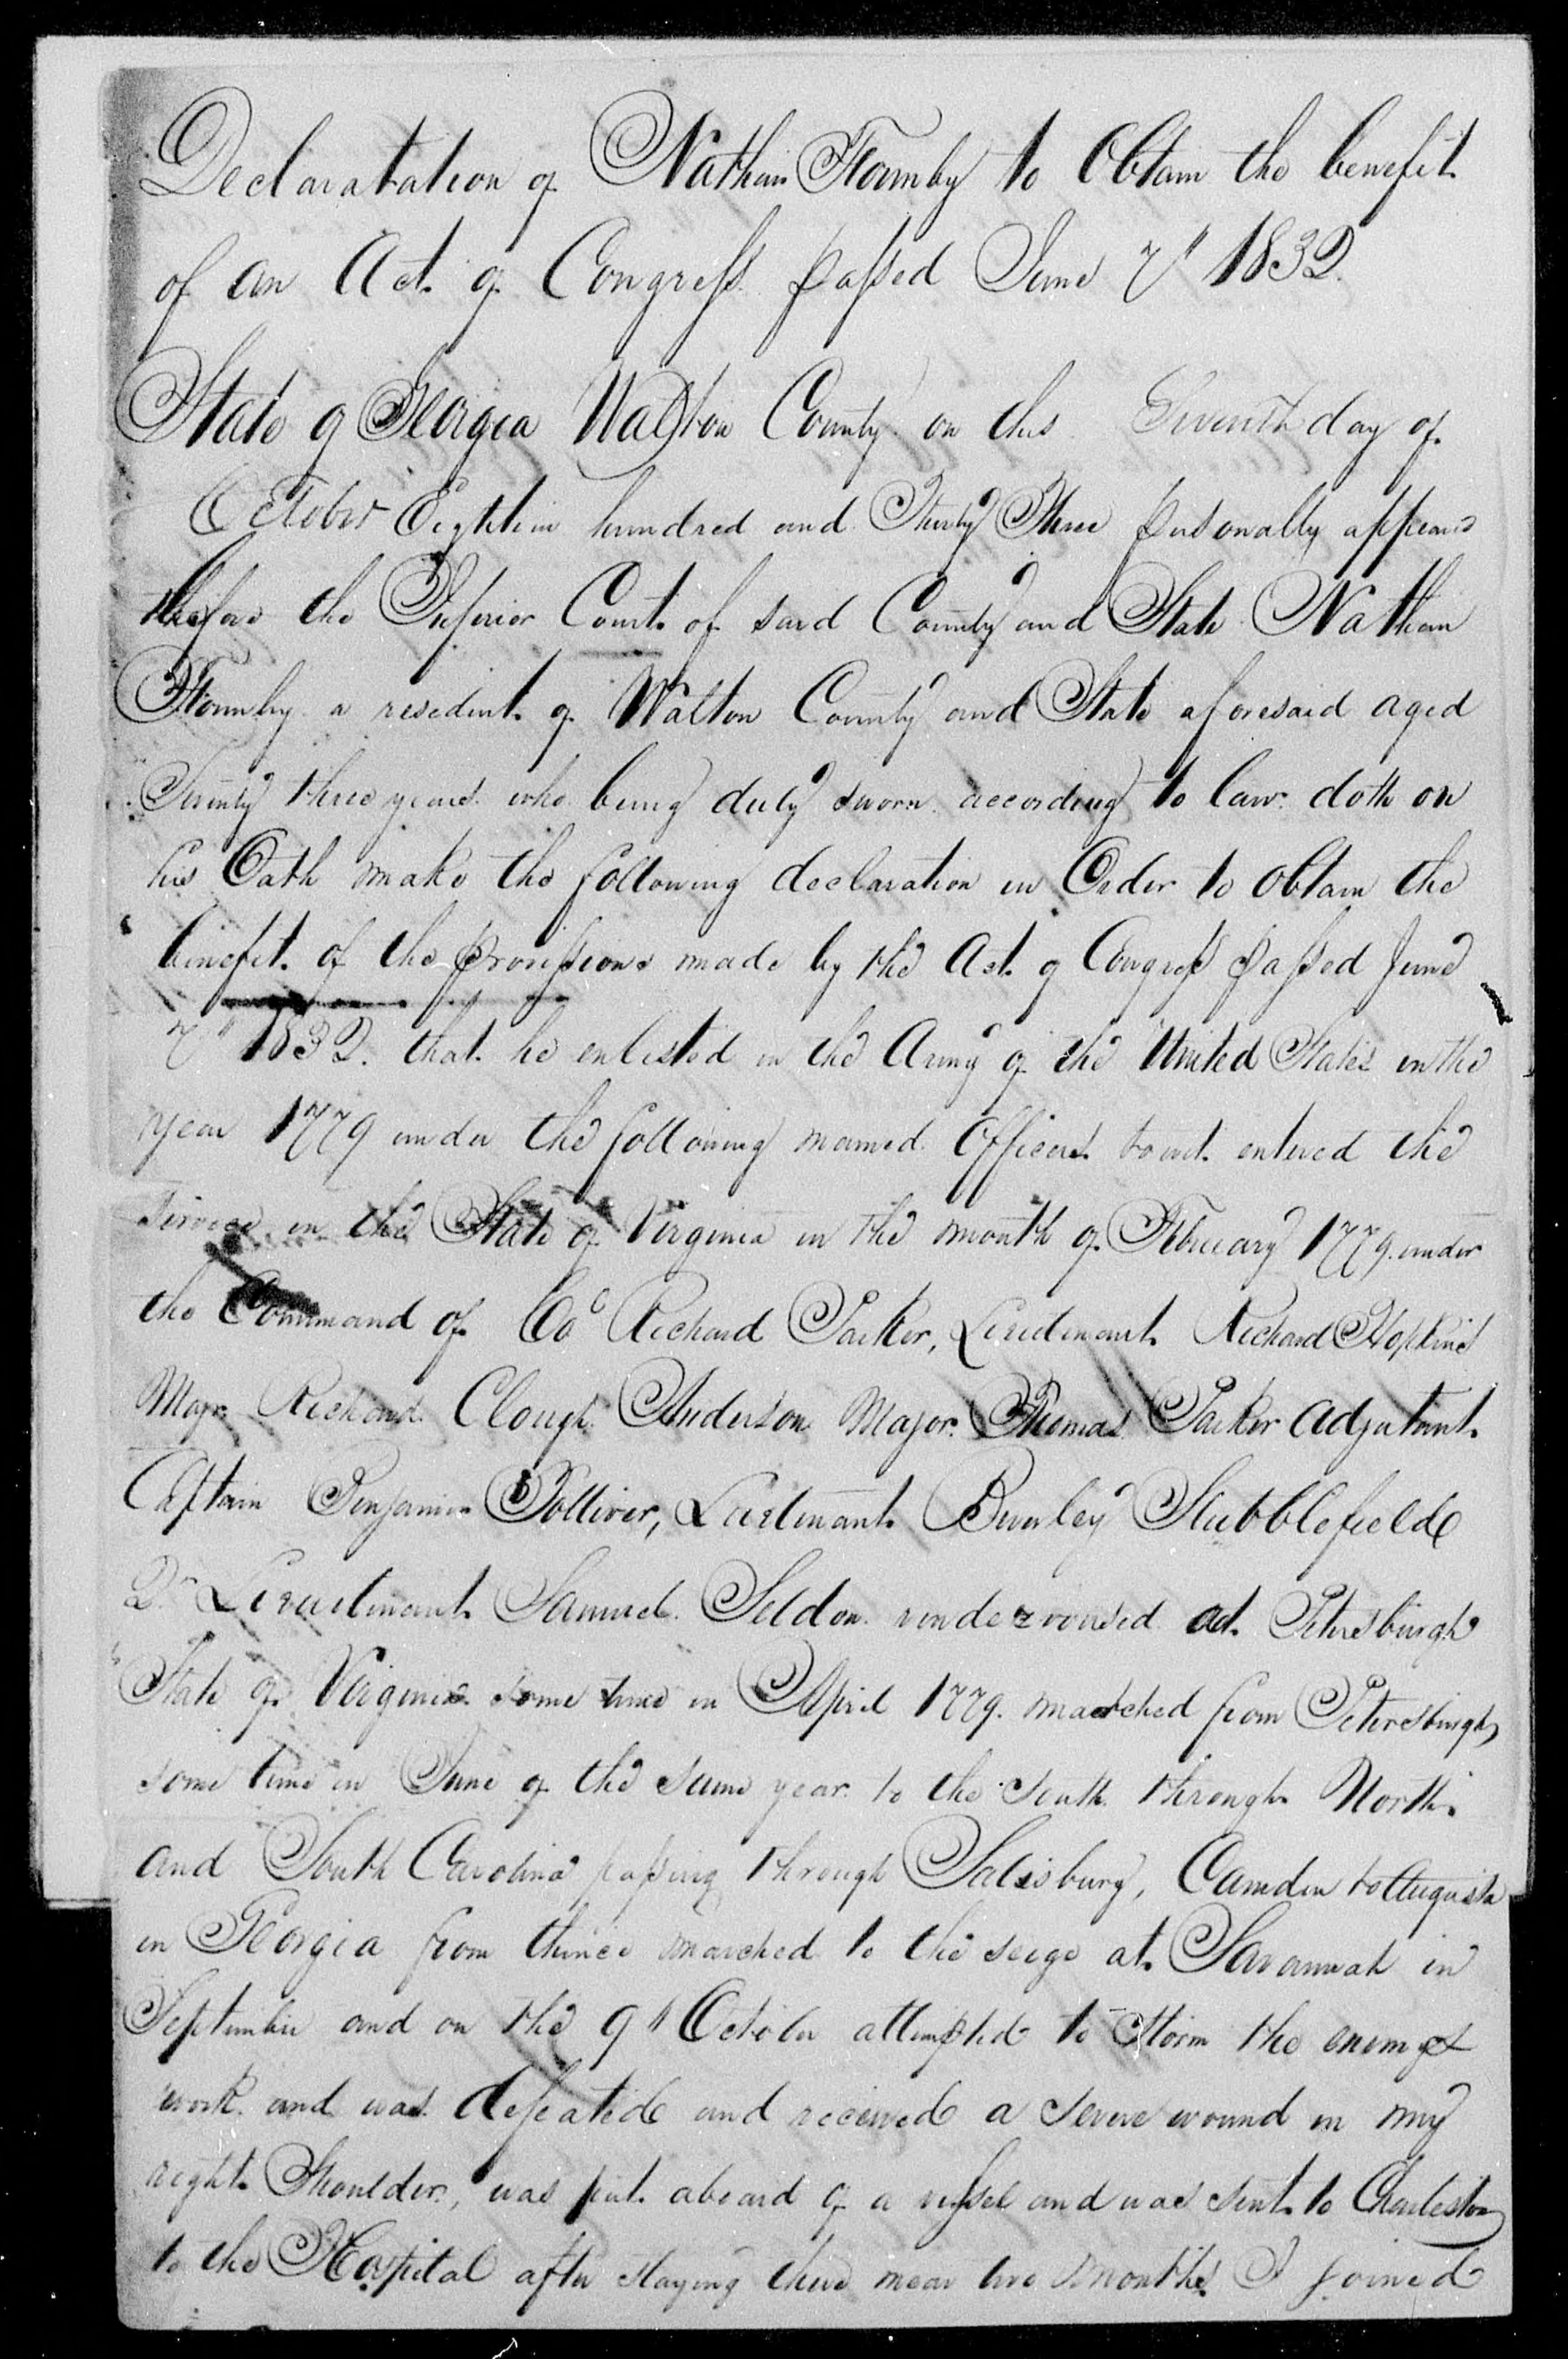Declaratation of Nathan Formby to obtain the benefit of an Act of Congress passed June 7 1832

State of Georgia 
Walton County 

   On this Seventh day of October Eighteen hundred and Thirty Three personally appeared before the Superior Court of said County and State Nathan Formby a resident of Walton County and State aforesaid aged seventy three years who being duly sworn according to law doth on his Oath make the following declaration in order to obtain the benefit of the provisions made by the Act of Congress passed June 7, 1832.  That he enlisted in the Army of the United States in the year 1779 under the following named Officers to wit: entered the serve in this State of Virginia in the month of February 1779 under the command of Col Richard Parker, Lieutenant Richard Hopkins, Major Richard Clough Anderson Major Thomas Parker Adjutant
Captain Benjamin Dolliver, Lieutenant Beverley Stubblefield, 2nd Lieutenant Samuel Seldon rendezvoused at Petersburgh State of Virginia some time in April 1719. Marched from Petersburgh some time in June of the same year to the South through North and South Carolina passing through Salisbury, Camden to Agusta in Georgia.  From thence marched to the siege at Savannah in September and on the 9th October attempted to storm the enemies work and was defeated and received a severe wound in my right Shoulder, was put aboard of a vessel and was sent to Charleston 
to the Hospital. After staying there near two months I joined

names: Richard Hopkins, Nathan Formby, Richard Parker, Samuel Seldon, Nathan Formby, Richard Clough Anderson, Thomas Parker, Benjamin Tolliver, Beverley Stubblefield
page: 46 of 54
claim: widow's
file: W. 3794, Nathan Formby, Va.